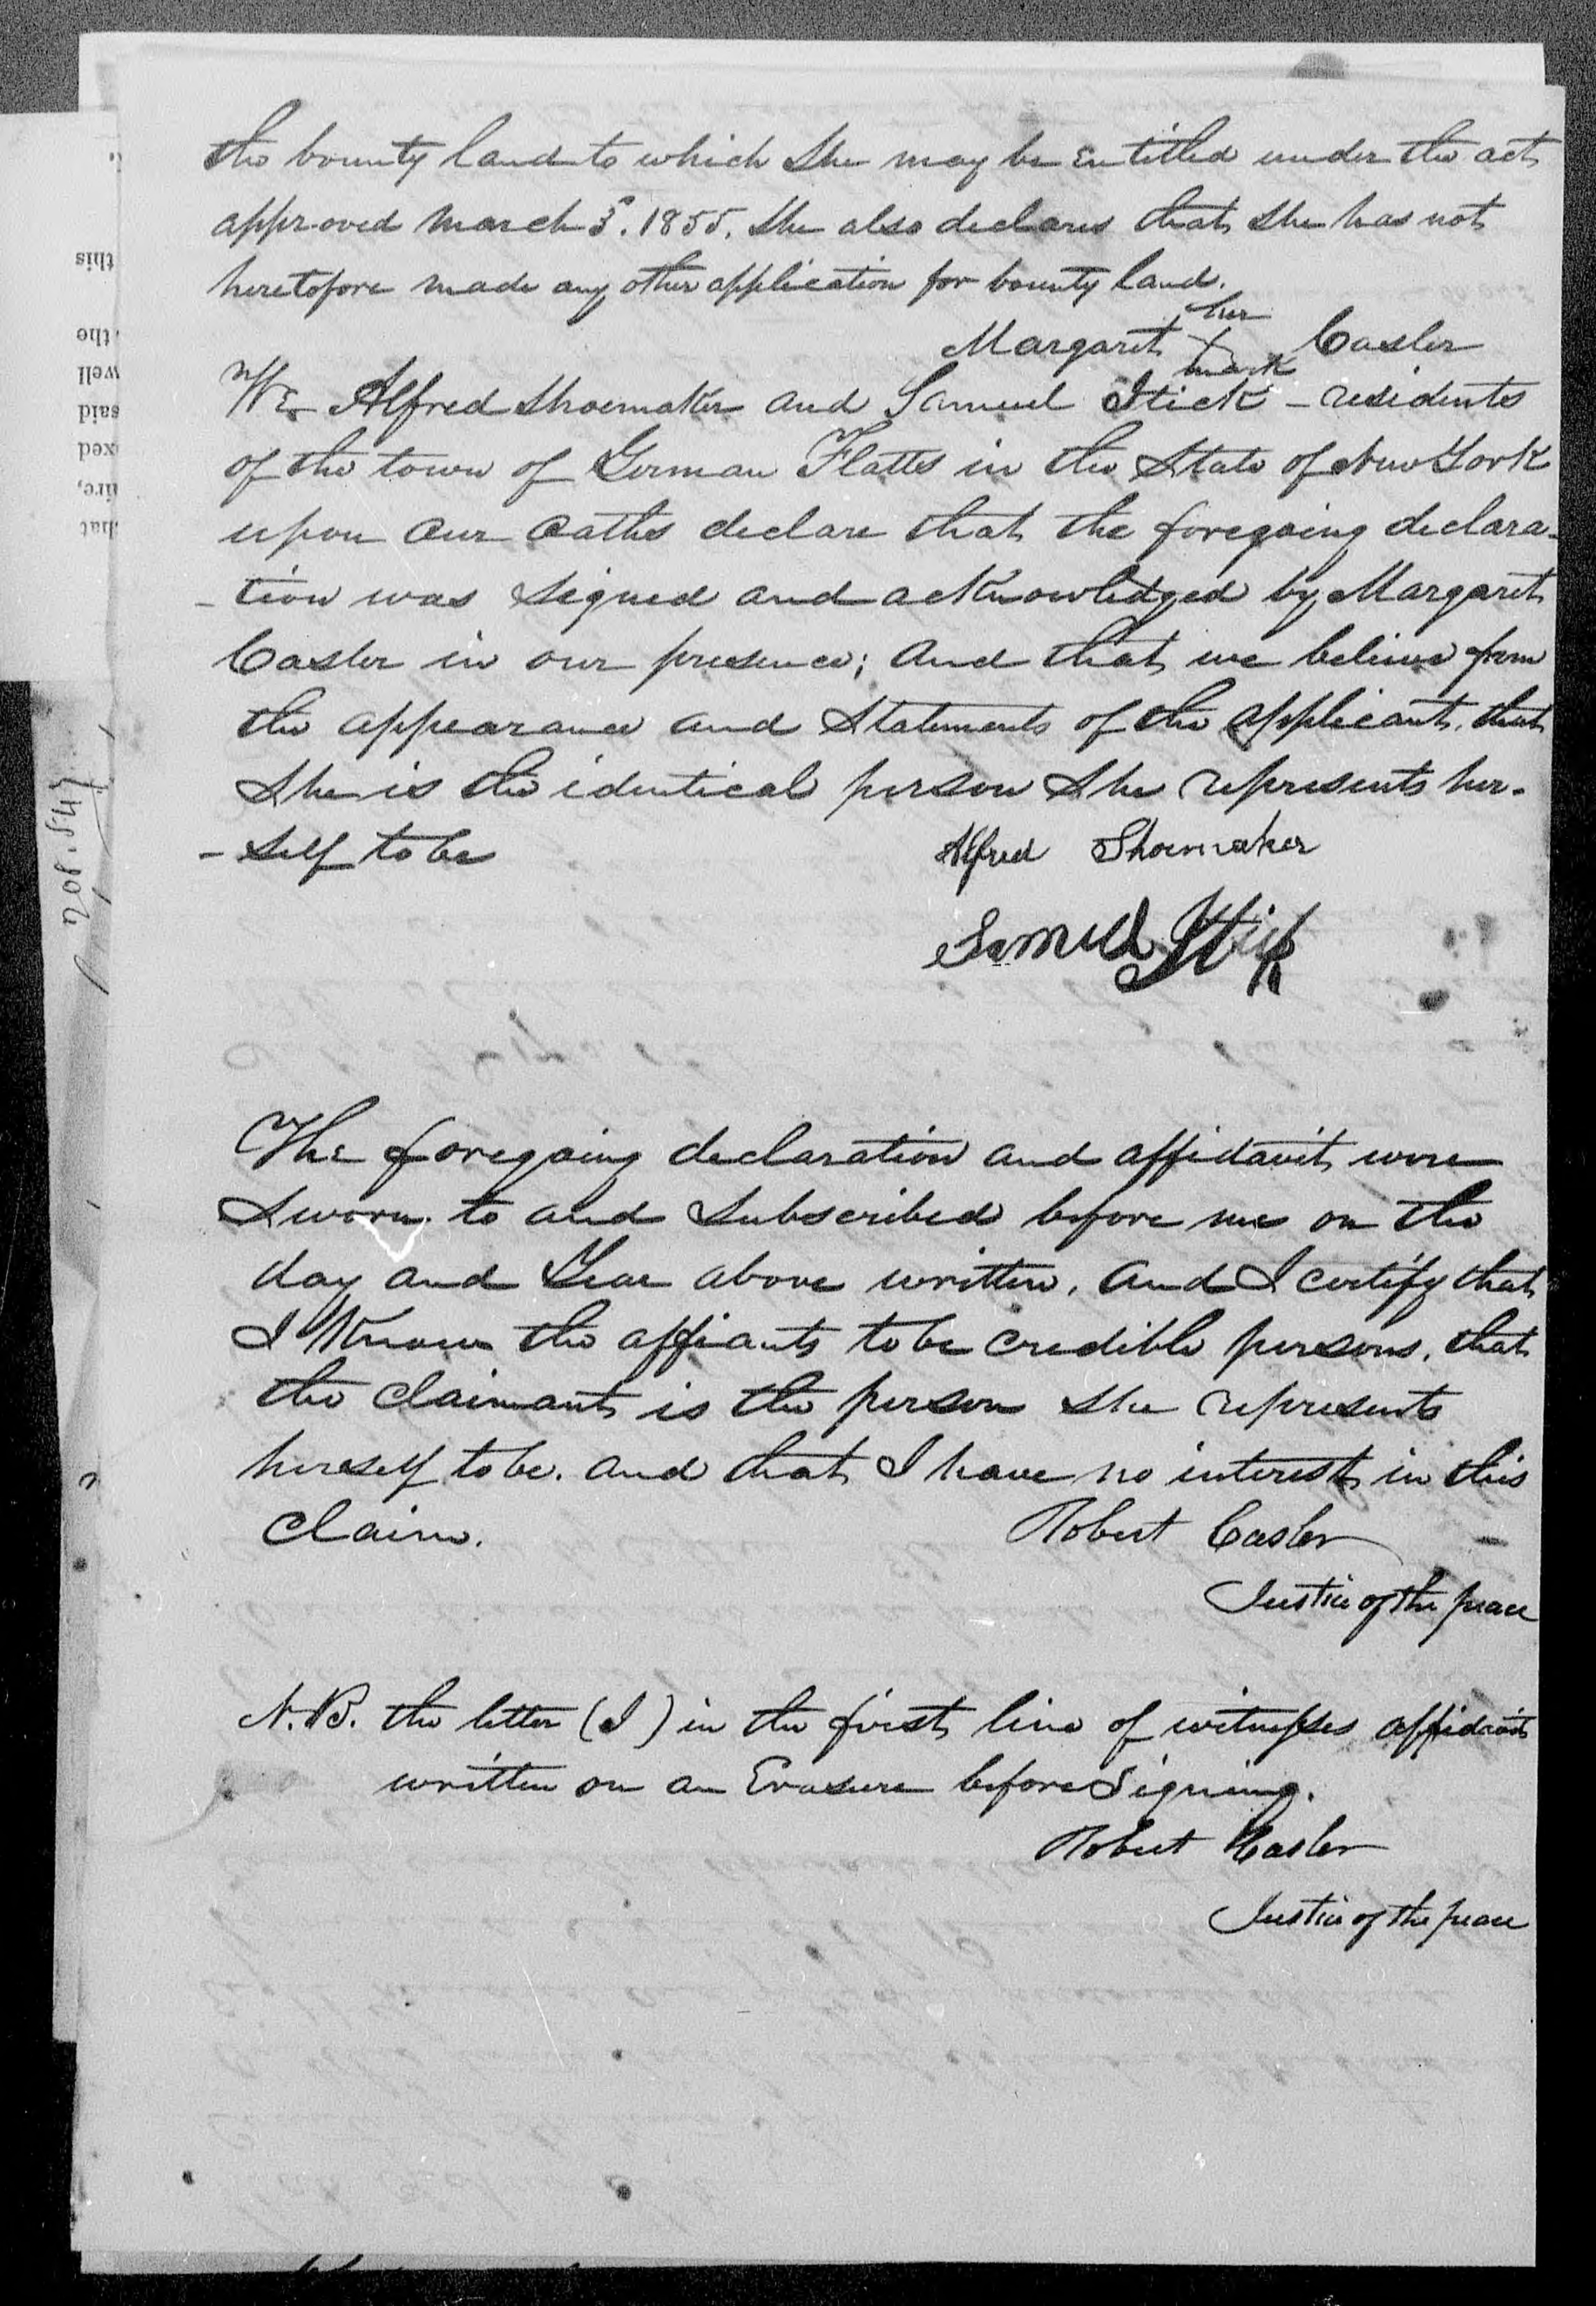the bounty land to which she may be entitled under the act approved March 3 1855. She also declares that she has not heretofore made any other application for bounty land 
[signed] Margaret Casler X her mark
We Alfred Shoemaker and Samuel Itick - residents of the town of German Flatts in the State of New York upon our oaths declare that the foregoing declaration was signed and acknowledged by Margaret Casler in our presence; and that we believe from the appearance and statements of the applicant, that she is the identical person she represents herself to be 
[signed] Alfred Shoemaker   Samuel Itick

The foregoing declaration and affidavit were Sworn to and subscribed before me on the day and year above written, and I certify that I know the affiants to be credible persons, that the claimant is the person she represents herself to be, and that I have no interest in this claim. 
[signed] Robert Casler 
Justice of the peace 

N.B. the letter (I) in the first line of witnesses affidavit written on an erasure before signing. [signed] Robert Casler  Justice of the peace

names: Robert Casler, Robert Casler, Samul Itick, Margaret Casler, Alfred Shoemaker, Margaret Casler, Alfred Shoemaker, Samuel Itick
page: 18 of 66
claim: widow's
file: W. 6637, Richard Caslar, New York